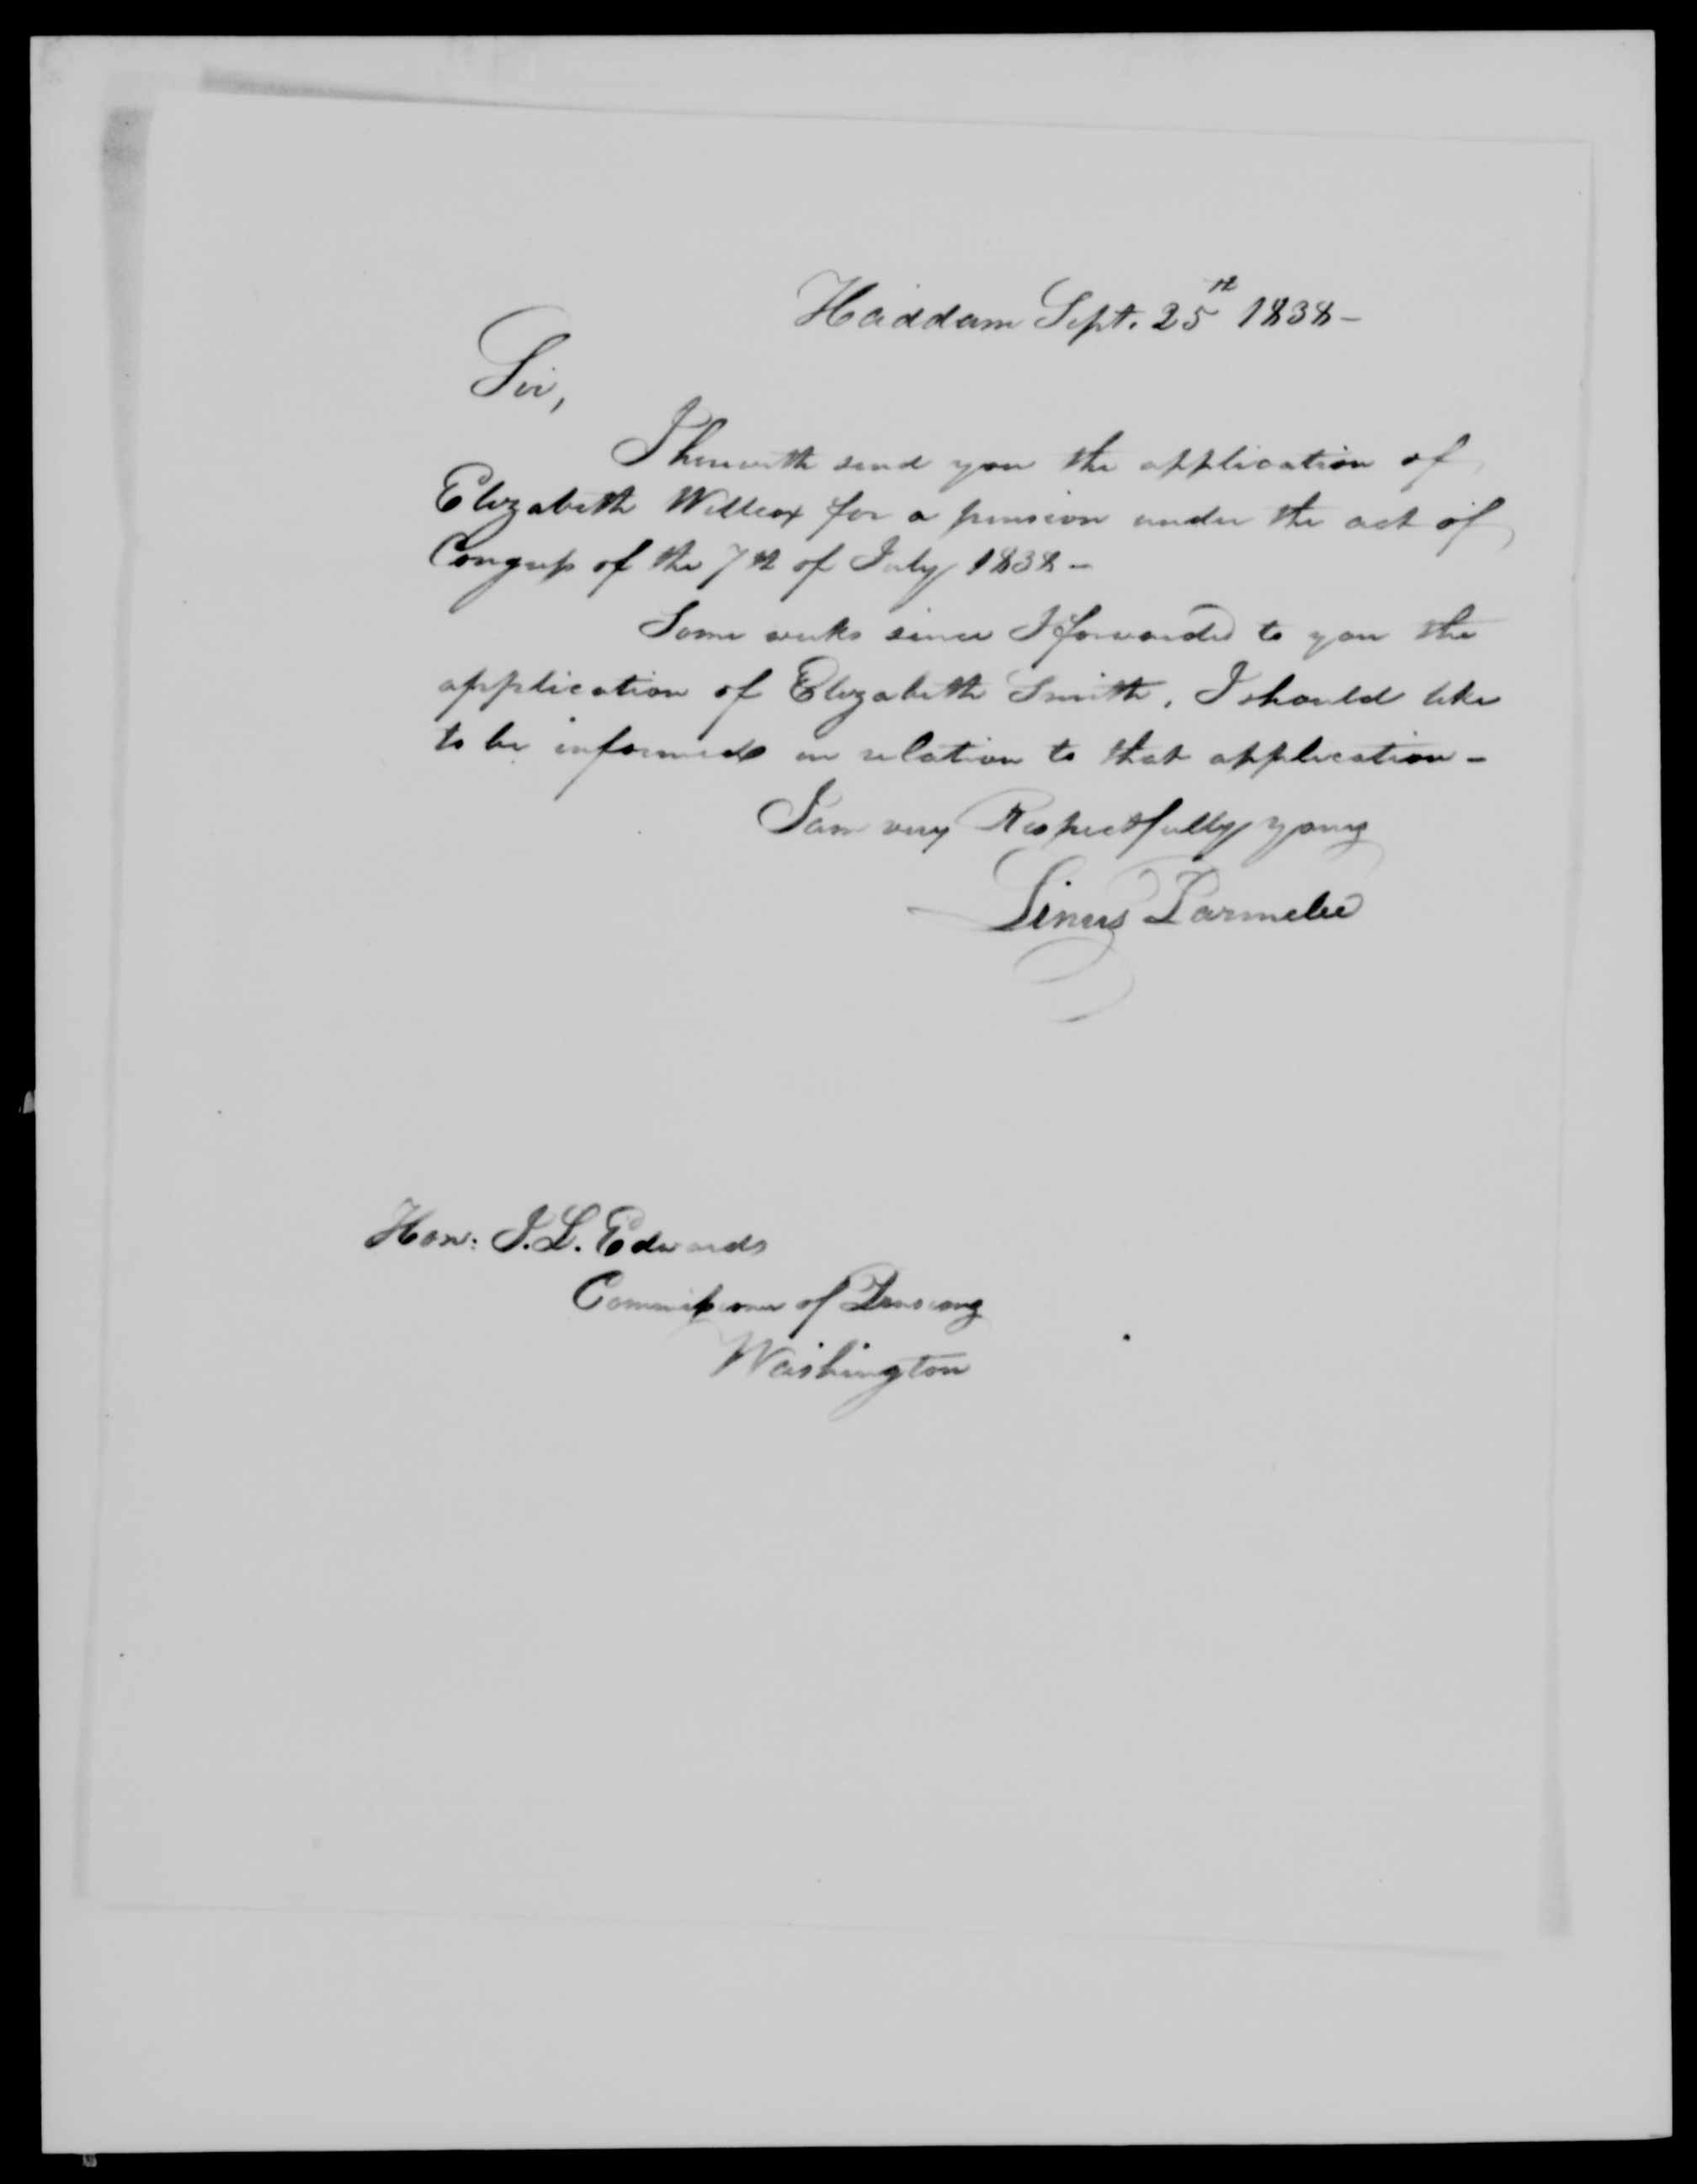Haddam Sept 25th 1838-
Sir,
I herewith send you the application of Elizabeth Willcox for a pension under the act of Congress of the 7th of July 1838–
Some weeks since I forwarded to you the application of Elizabeth Smith. I should like to be informed in relation to that application—
I am very Respectfully yours
Linus Parmelee
Hon. J. L. Edwards
Commissioner of Pensions
Washington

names: Elizabeth Smith, Elizabeth Willcox, Linus Parmelee, J L Edwards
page: 34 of 46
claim: widow's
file: W. 18,417, James Willcox, Conn.